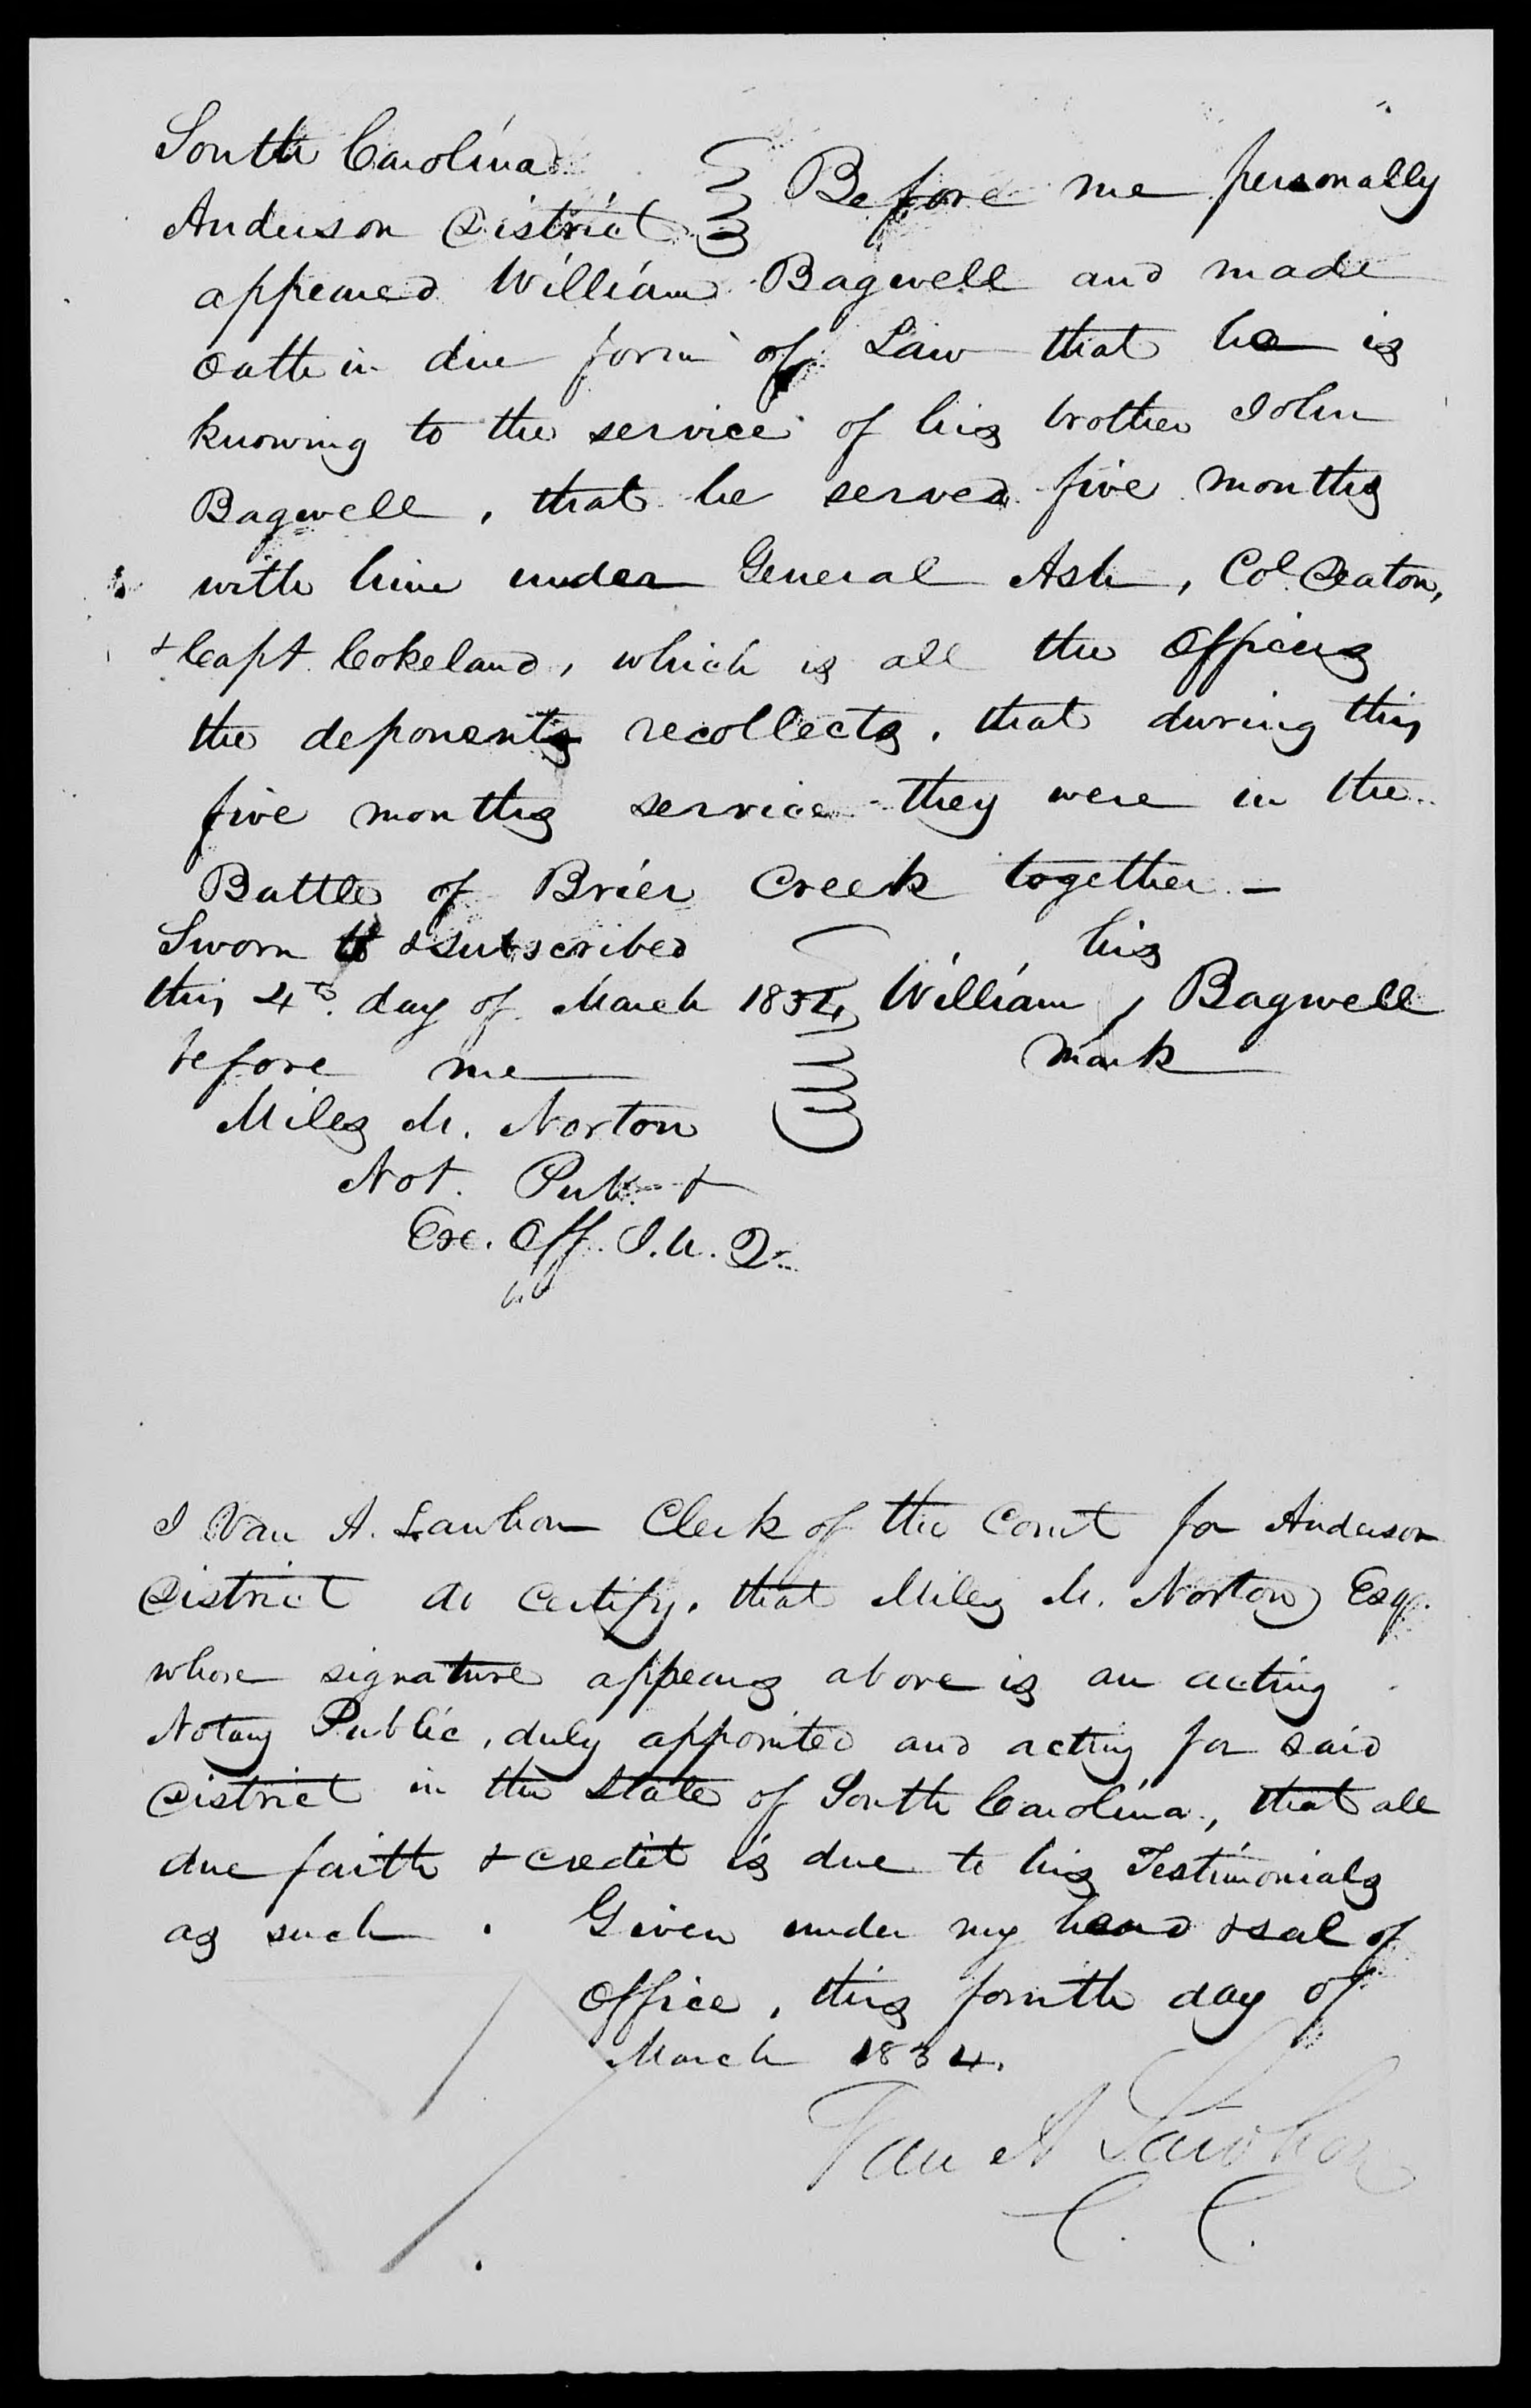South Carolina
Anderson District ⎬ Before me personally
appeared William Bagwell and made
oath in due form of Law that he is
knowing to the service of his brother John
Bagwell,
is
that he served five months
with him under General Ash, Col Deaton
& Capt. Cokeland, which is all the officers
the deponents
recollects, that during this
five months
service they were in the
Battle of Brier Creek together-
Sworn to & subscribed
this
4th day of March 1834, 

William Bagwell his mark
before
me

Miles M. Norton
Not. Pub
Ex. Off. J.W.
I Van A. Lawhon Clerk of the Court for Anderson
District do certify that Miles M. Norton Esq
whose signature appears above is an acting
Notary Public, duly appointed and acting for said
District in the State of South Carolina, that all
due faith & credit is due to his Testimonials
as such
Given under my hand & seal of
Office, this fourth day of
March 1834
Van A Lawhorn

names: Van A Lawhon, Miles M Norton, Van A Lawhon, Deaton, William Bagwell, Ash, John Bagwell, Cokeland, William Bagwell, Miles M Norton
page: 8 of 36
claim: survivor's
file: S 6571, John Bagwell, N.C.